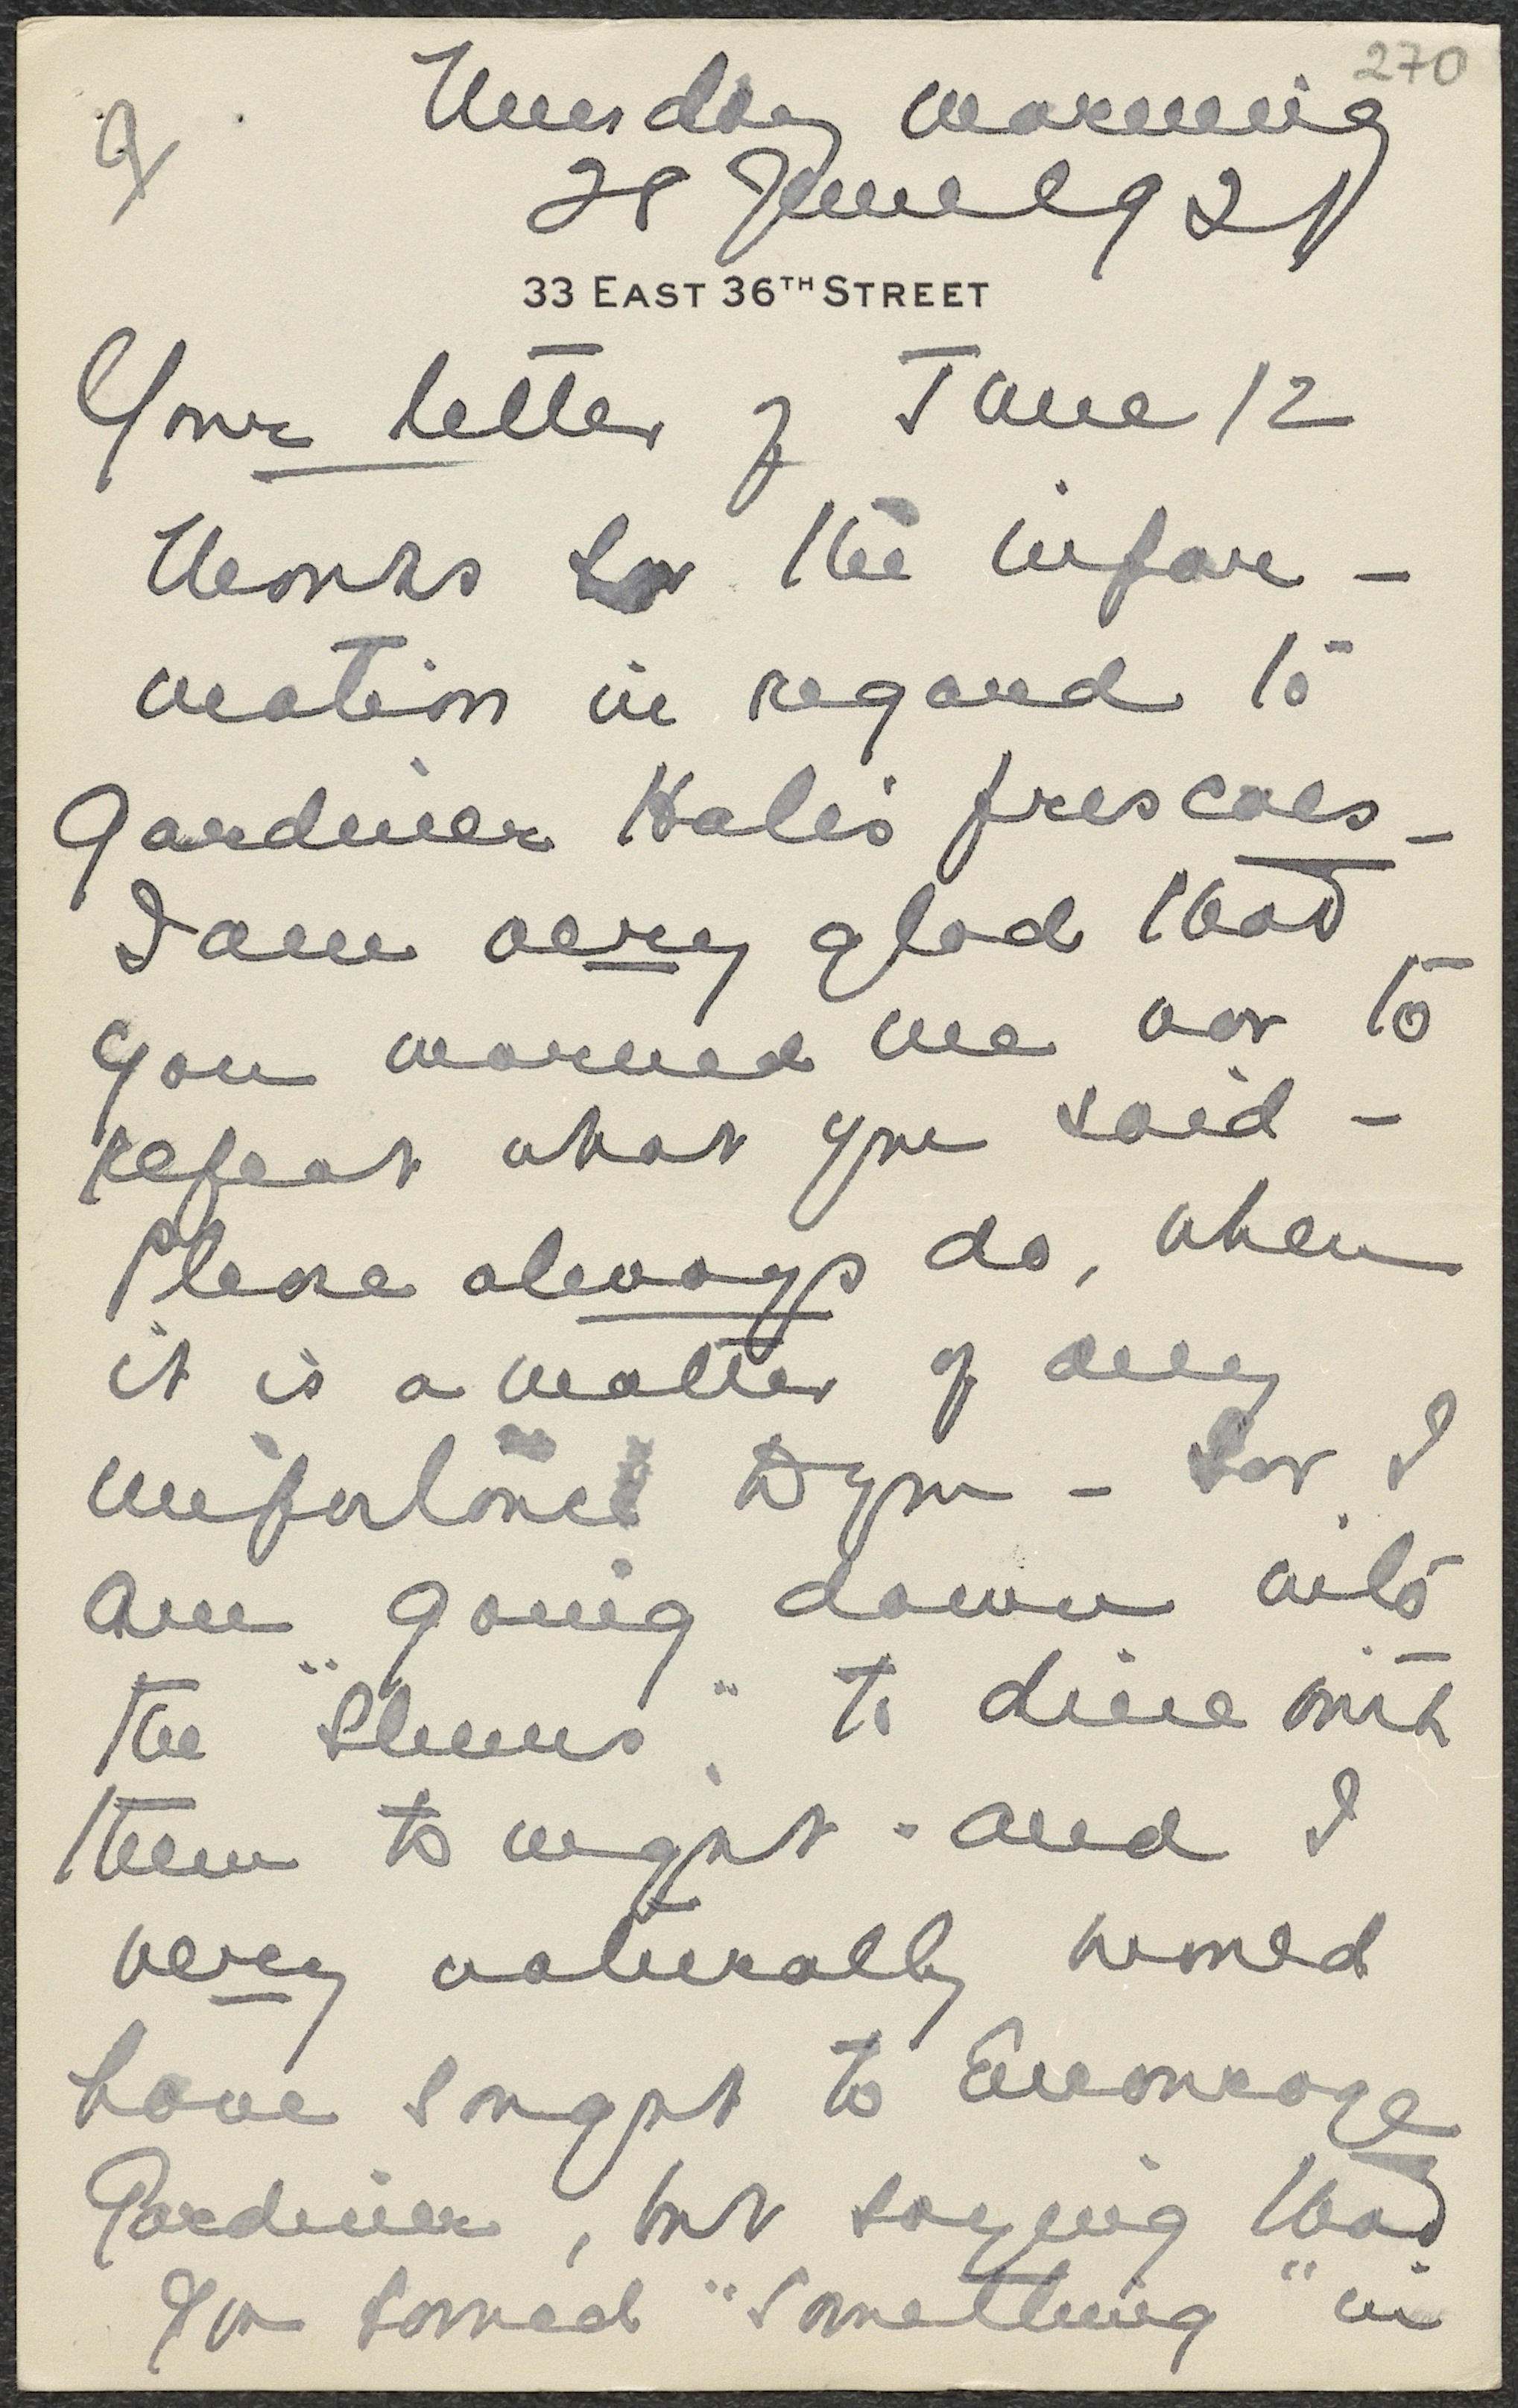9/
Thursday Morning
28 June 1921
Your letter of June 12
Thanks for the information in regard to Gardiner [sic] Hale’s frescoes – I am very glad that you warned me not to repeat what you said –
Please always do, when it is a matter of any importance to you – for I am going down into the “Slums,” to dine with them to night – and I very naturally would have sought to encourage Gardiner [sic], but saying that you found “something” in